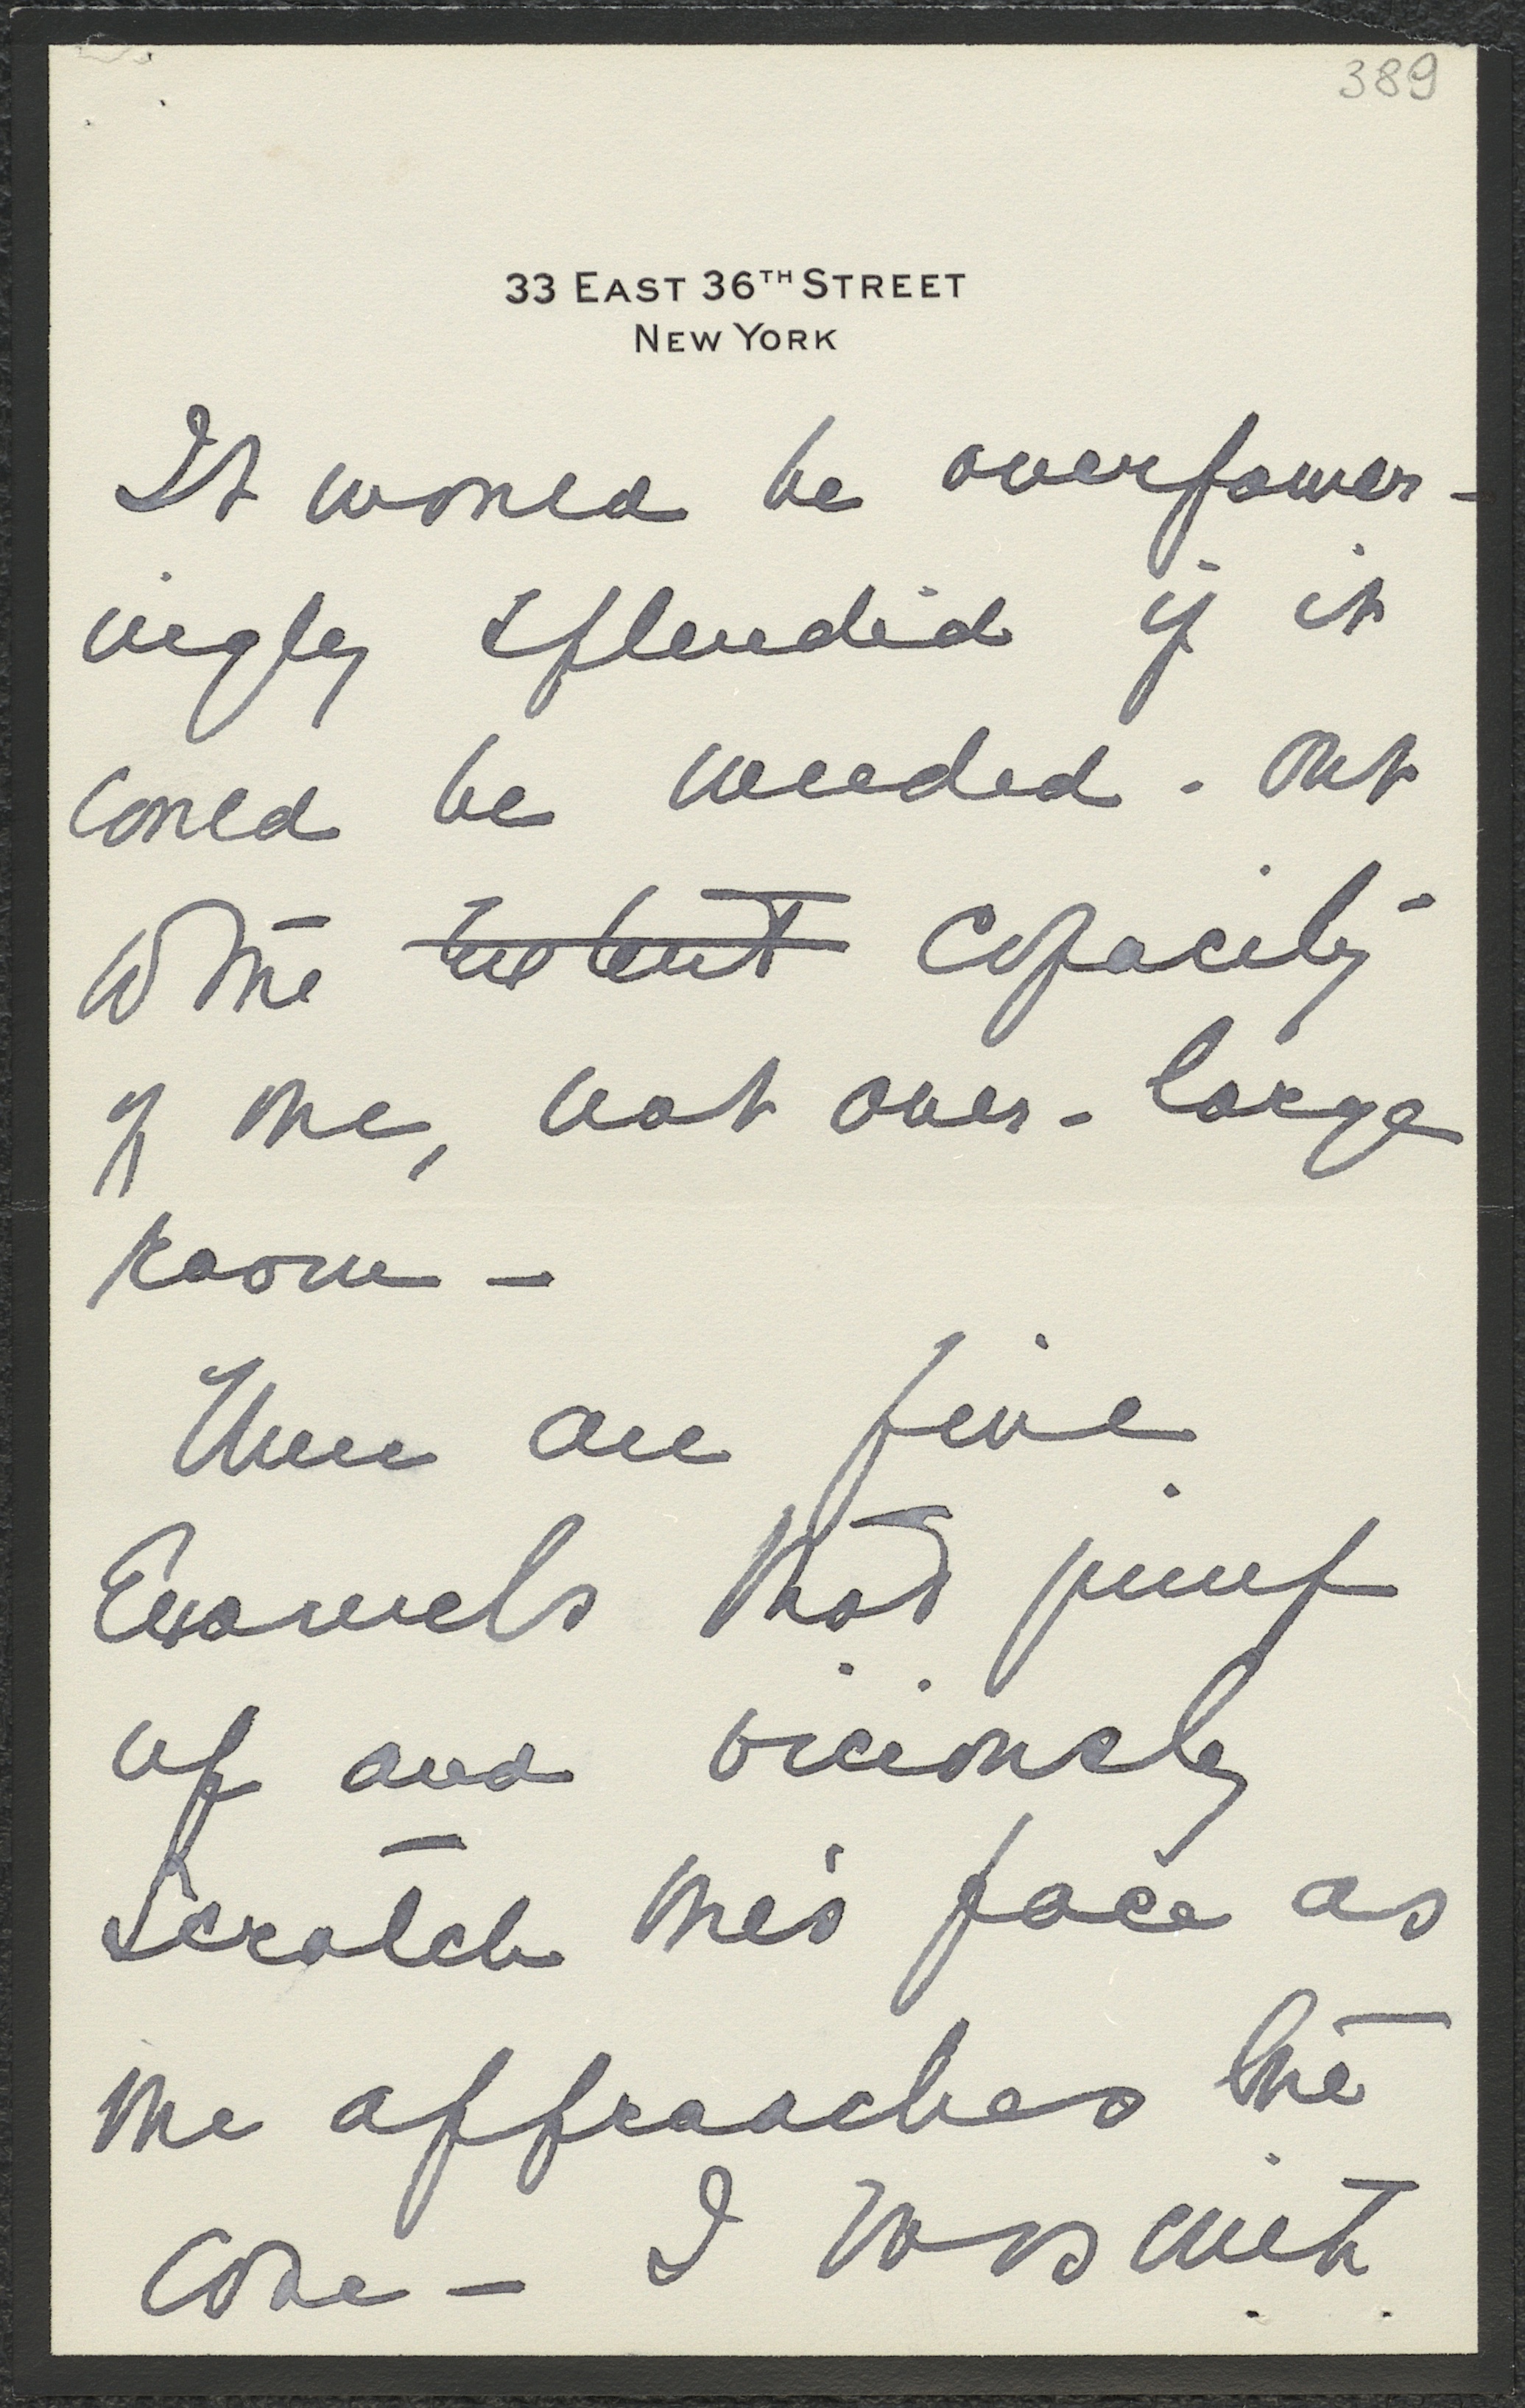It would be overpoweringly splendid if it could be weeded-out to the extent capacity of one, not over-large room –
There are five Enamels that jump and viciously scratch one’s face as one approaches the case– I was with